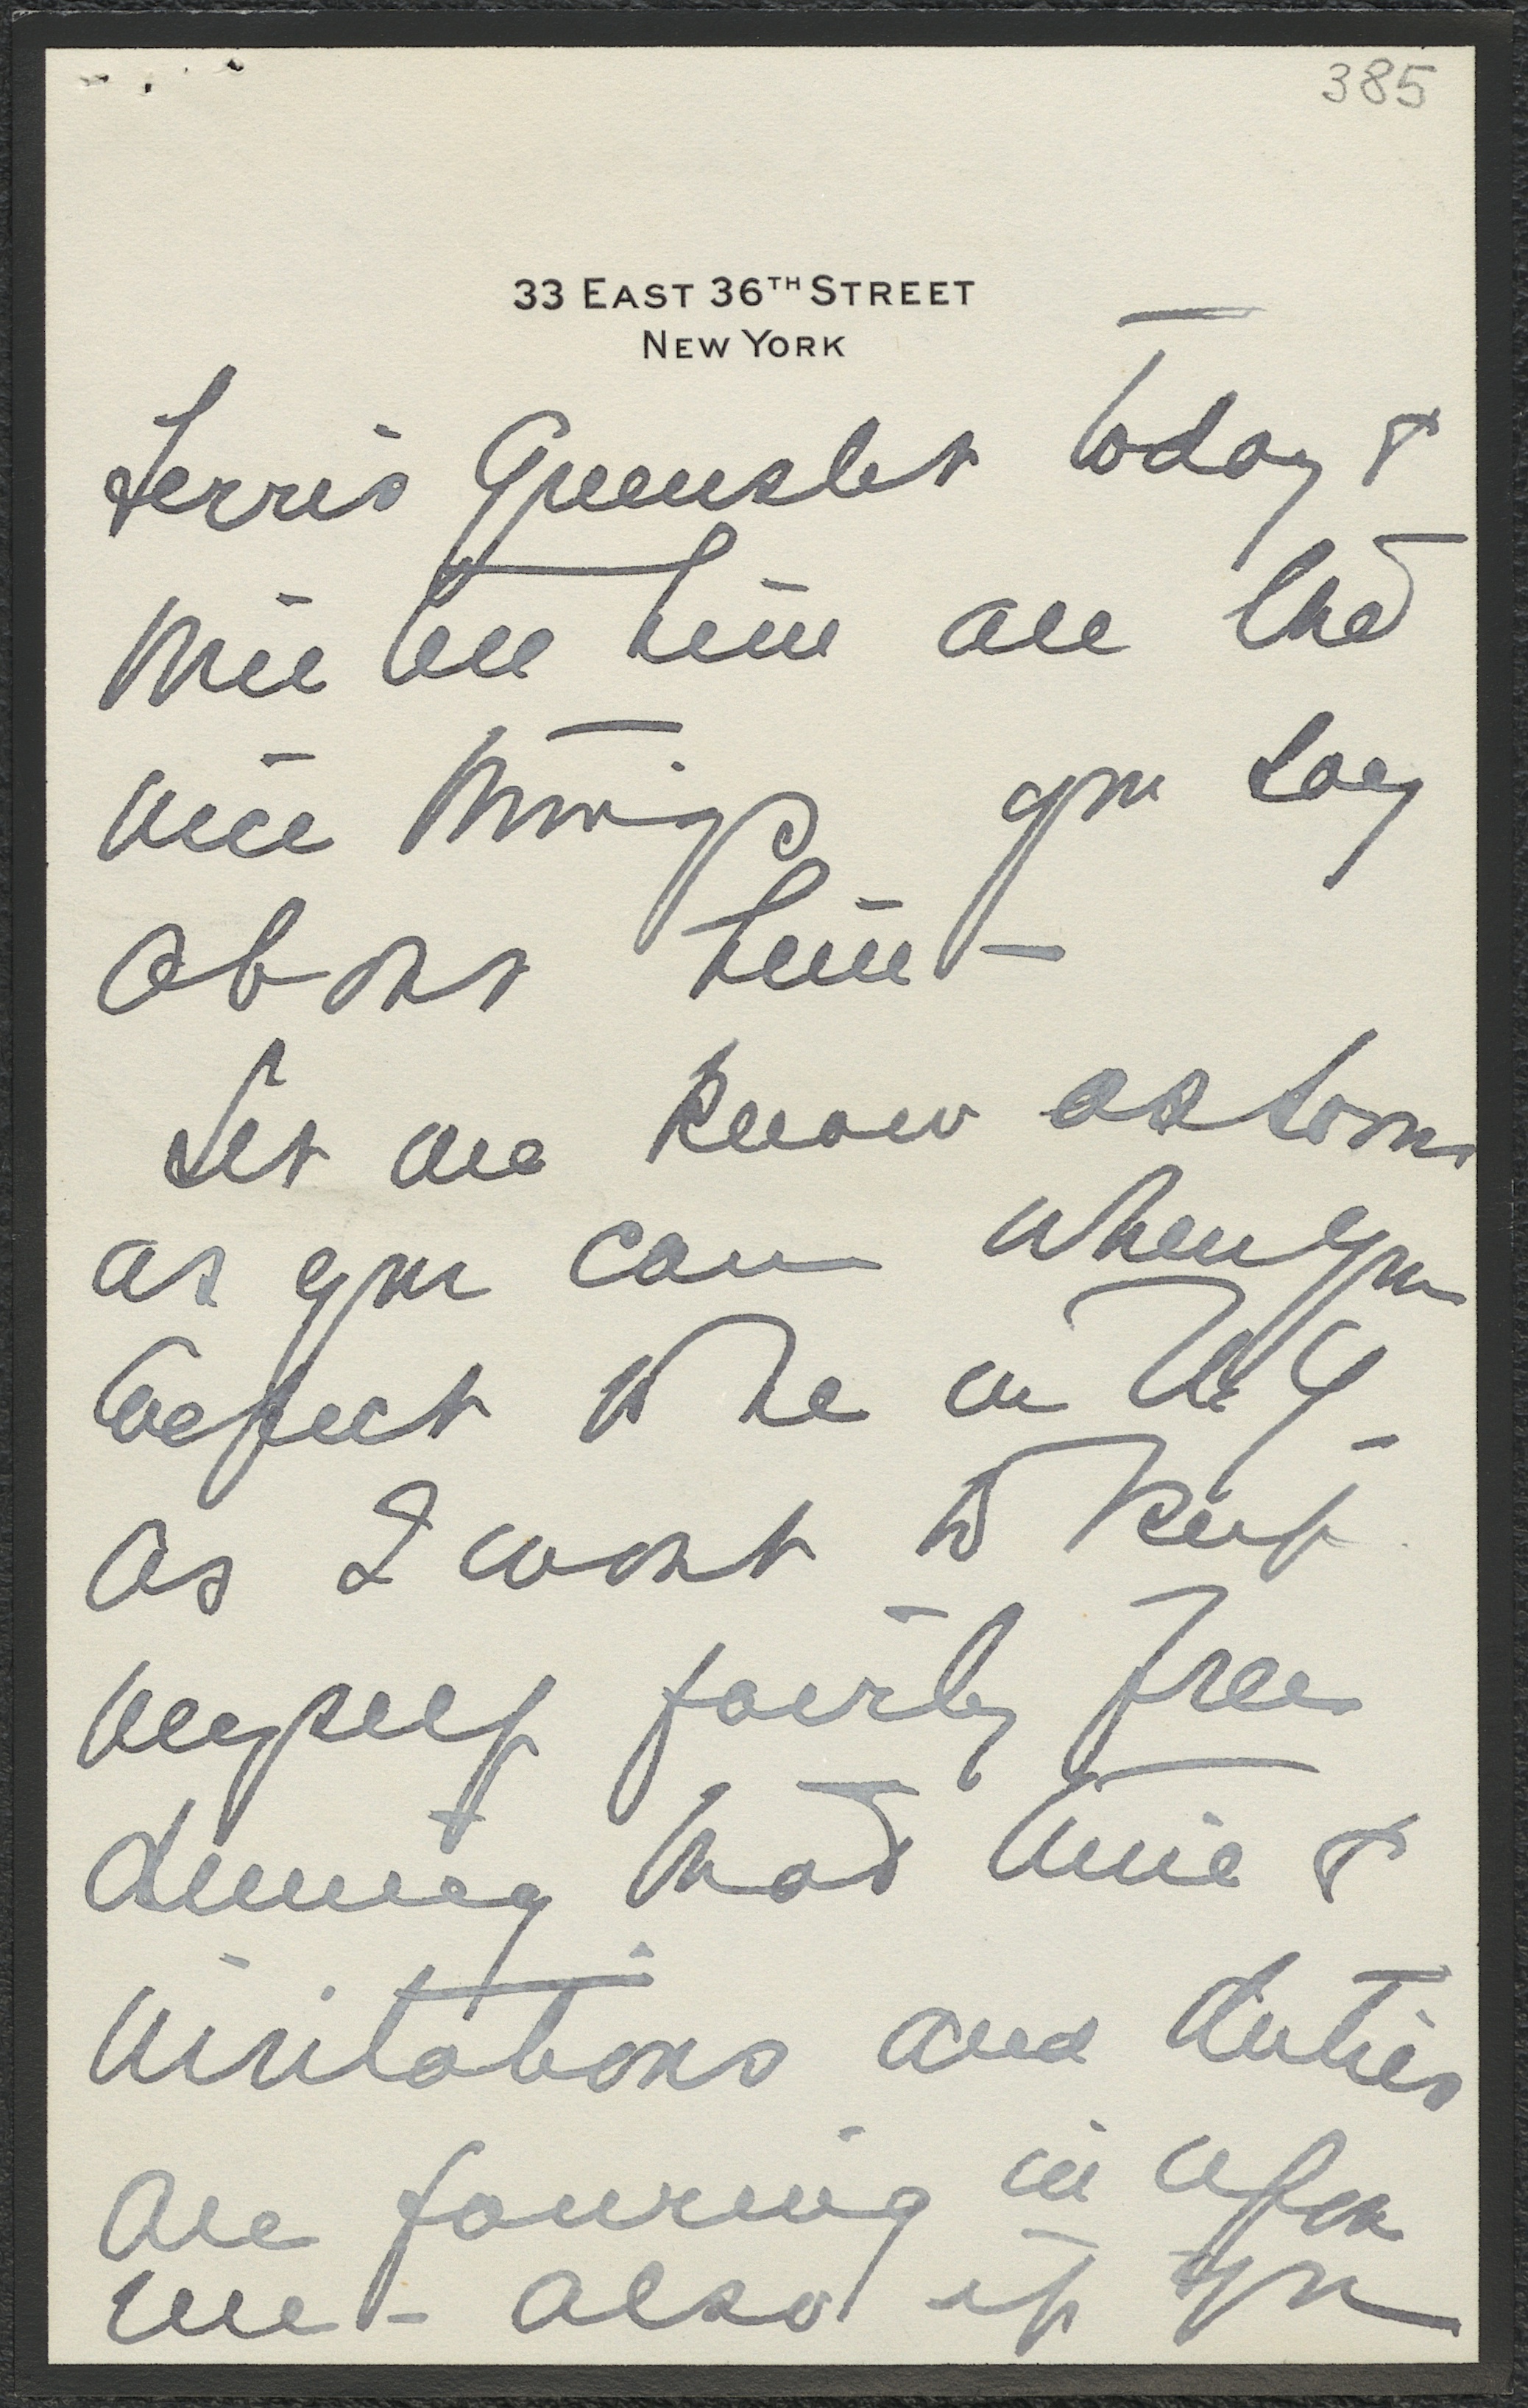Ferris Greenslet today & wll tell him all the nice things you say about him –
Let me know as soon as you can when you expect to be in N.Y. as I want to keep myself fairly free during that time & invitations and duties are pouring in upon me – also if you